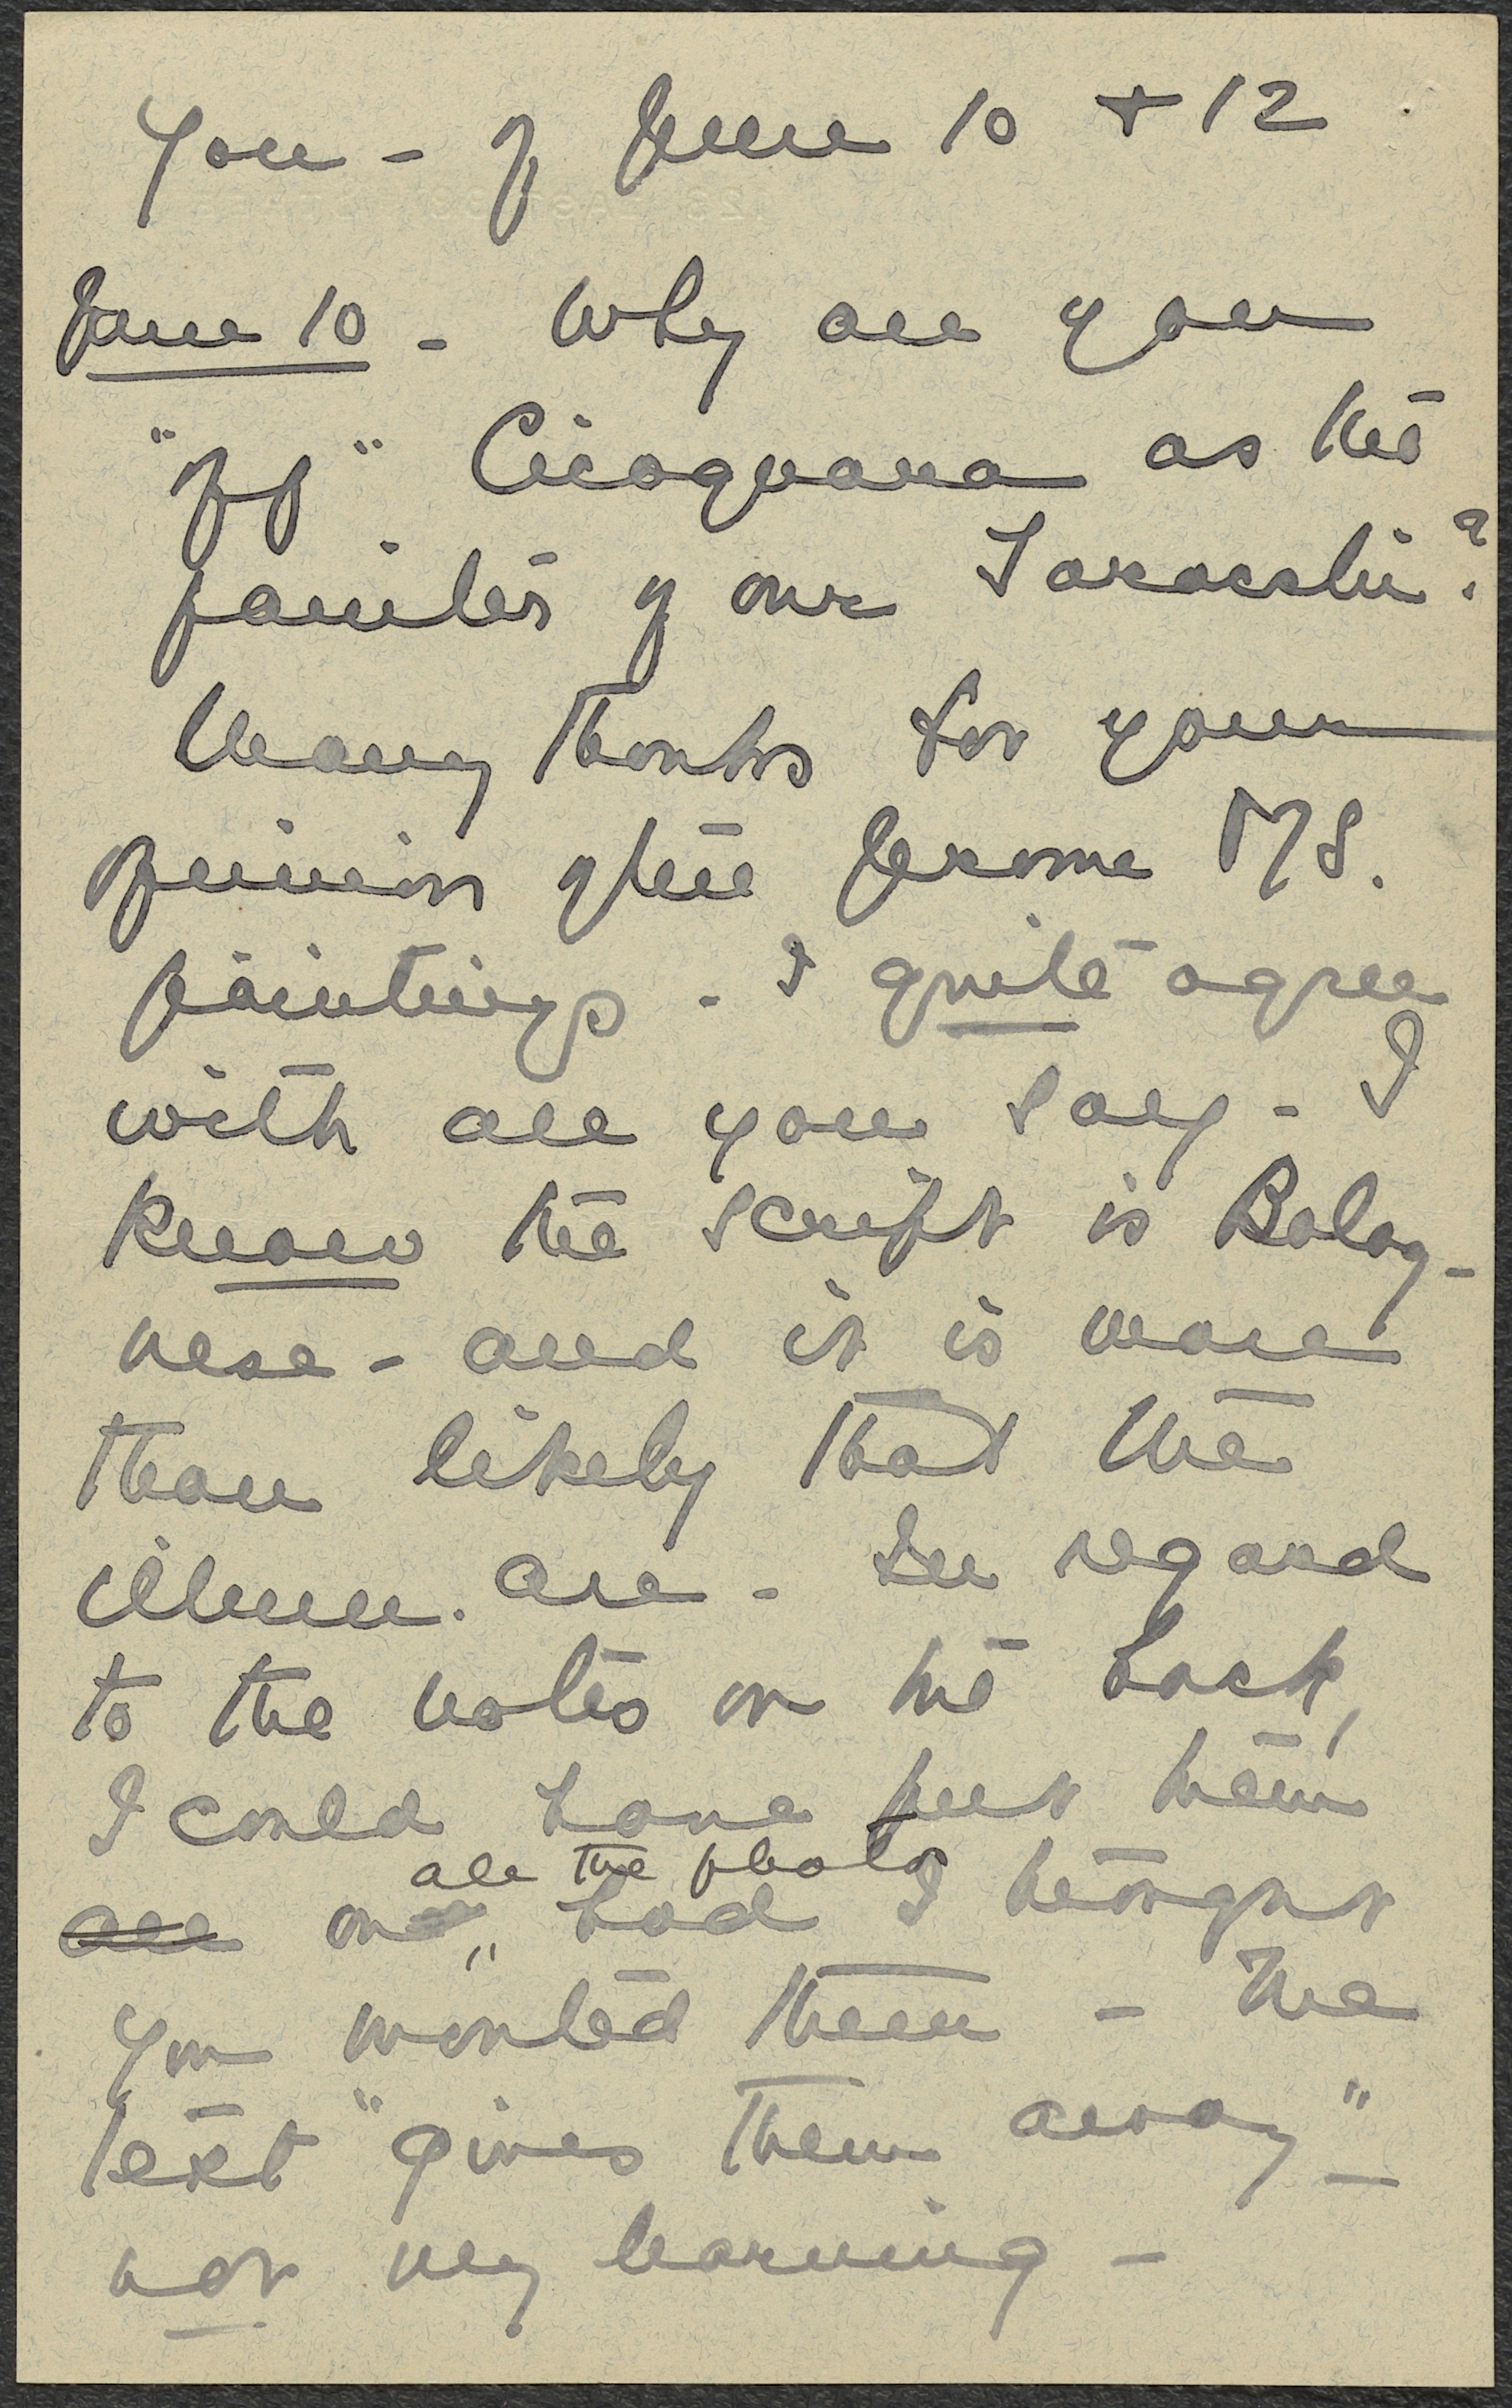you – of June 10 & 12
June 10 – why are you “off” Cicognara as the painter of our Tarocchi?
Many thanks for your opinion of the Jerome MS. paintings – I quite agree with all you say – I know the script is Bolognese – and it is more than likely that the illum. are – In regard to the notes on the back, I could have put them all one [^ all the photos^] had I thought you wanted them – The text “gives them away” – not my learning –